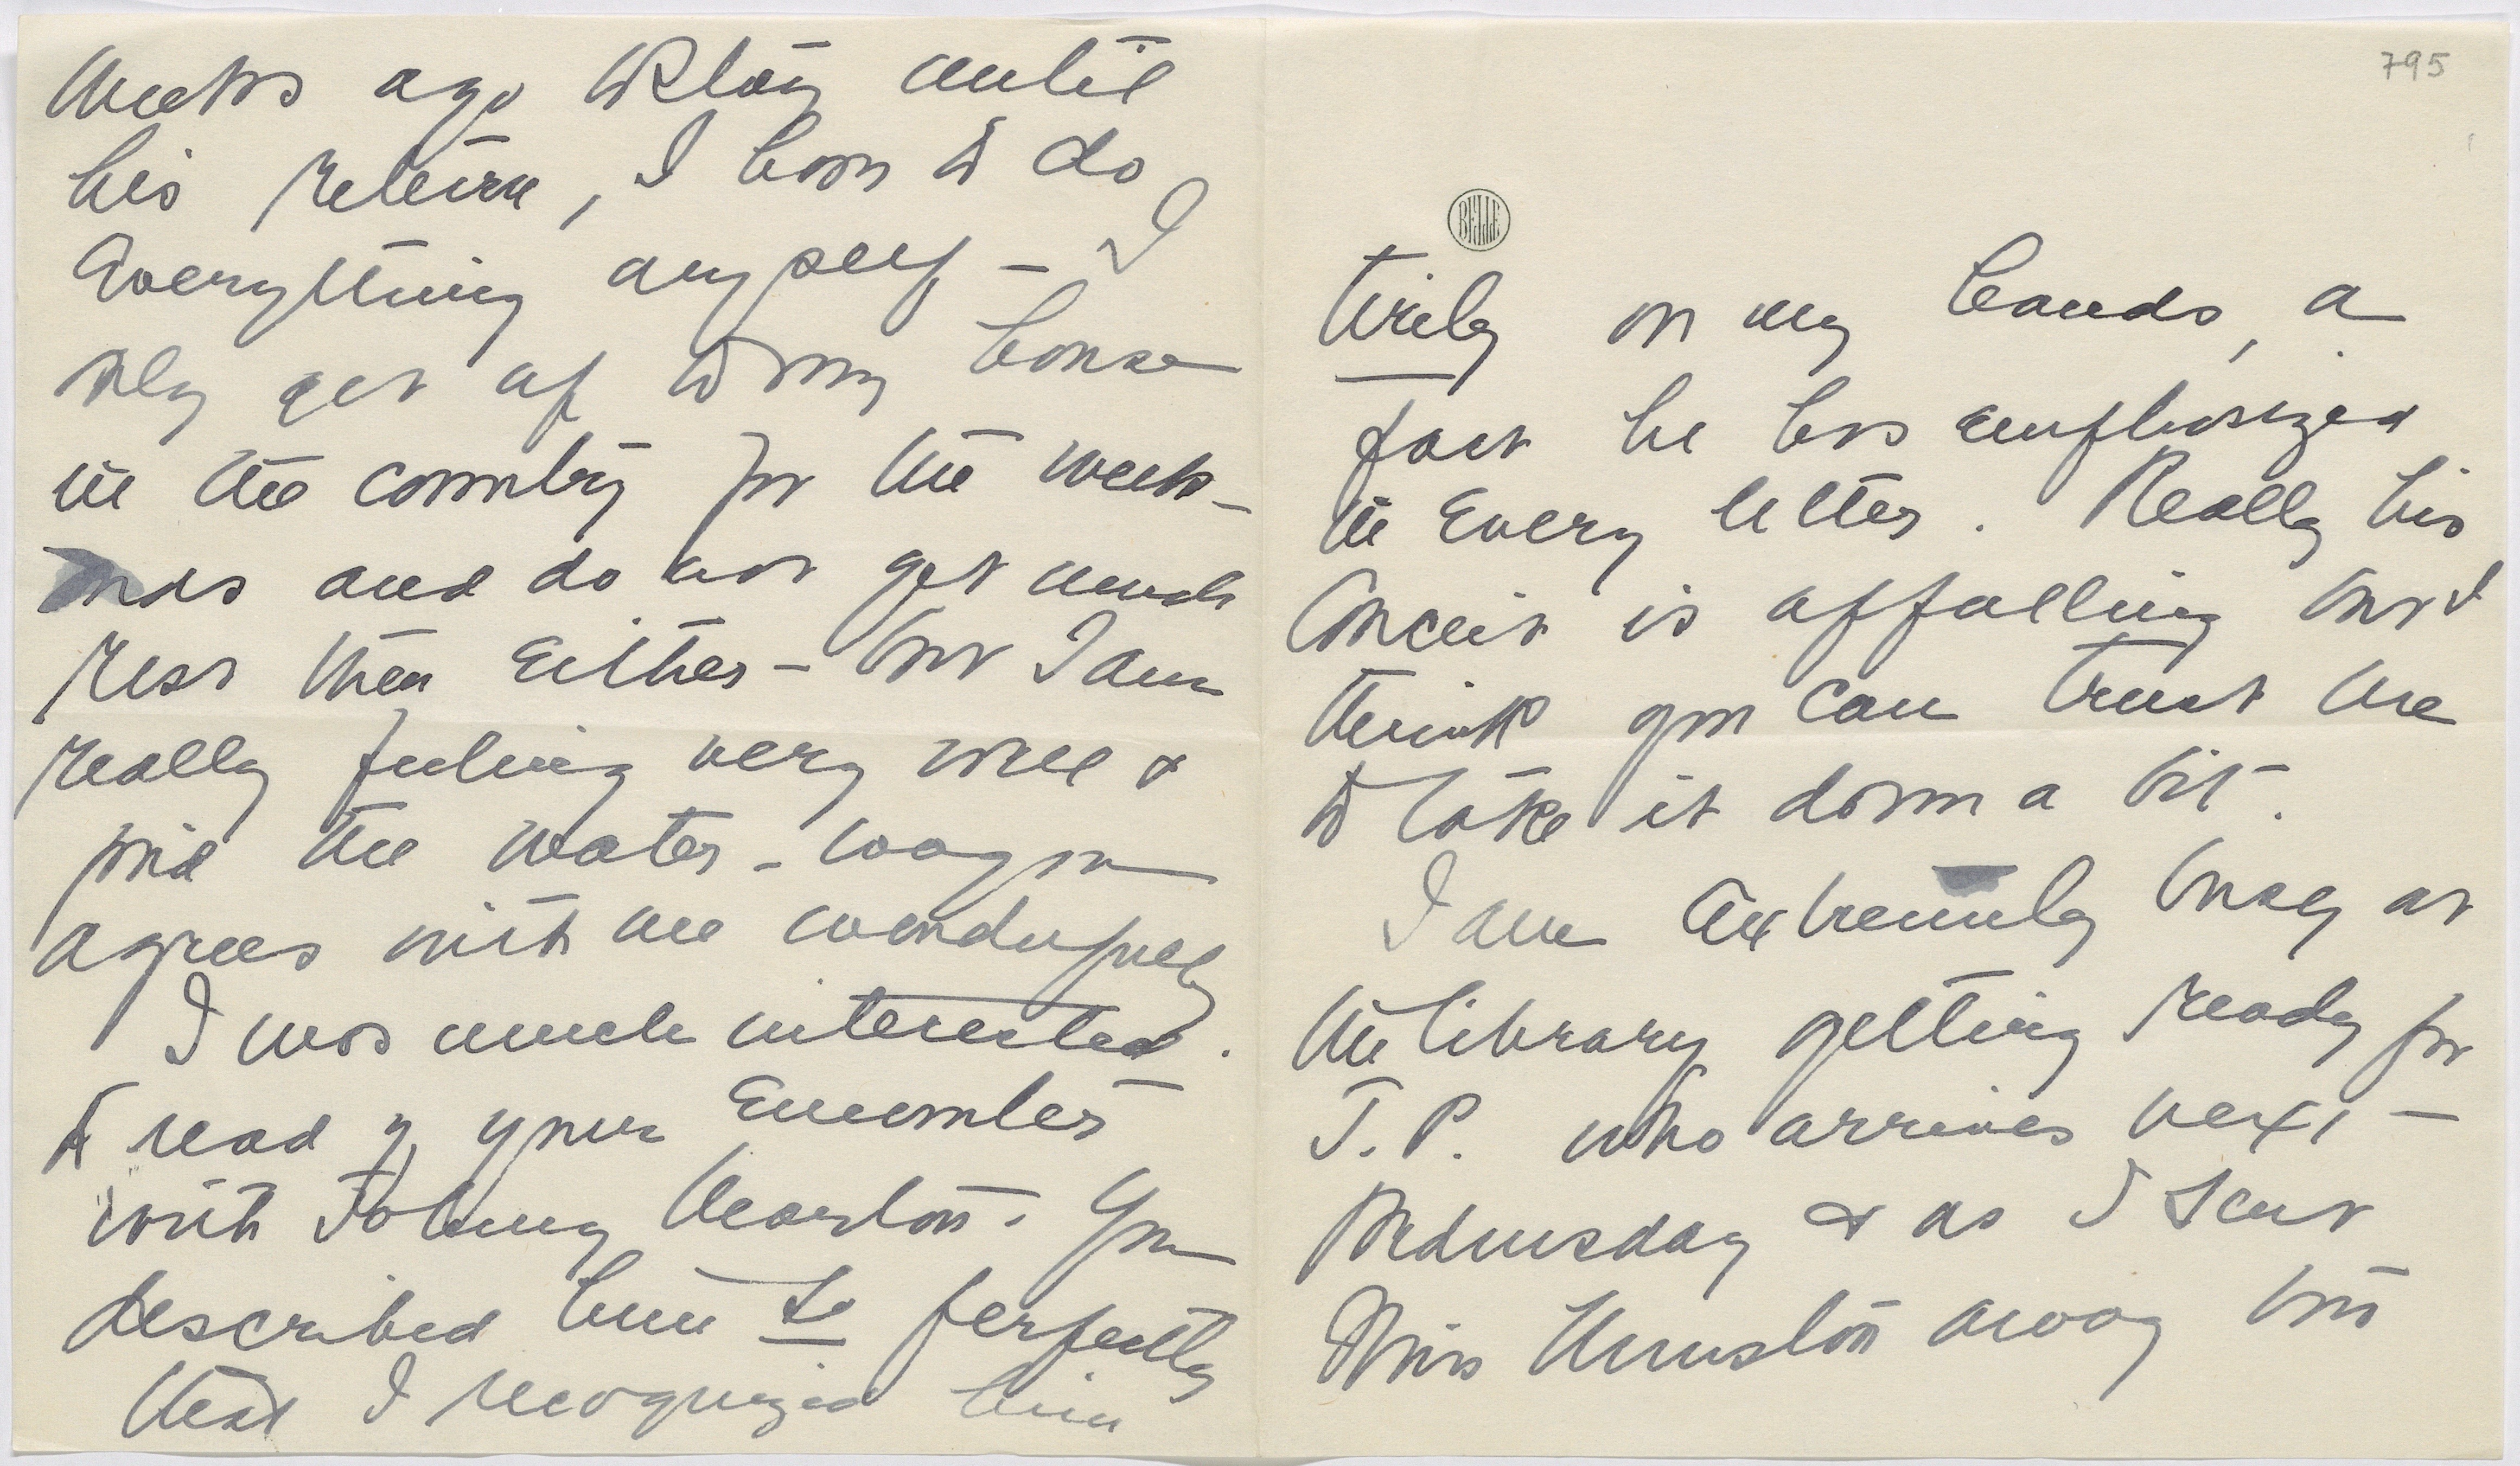on my hands, a fact he has emphasized in every letter. Really his conceit is appalling but I think you can trust me to take it down a bit.
I am extremely busy at the library getting ready for J. P. who arrives next Wednesday & as I sent Miss Thurston away two
weeks ago to stay until his return, I have to do everything myself – I only get up to my house in the country for the week-ends and do not get much rest then either – but I am really feeling very well & find the water-wagon agrees with me wonderfully.
I was much interested to read of your encounter with Johnny Morton. You described him so perfectly that I recognized him